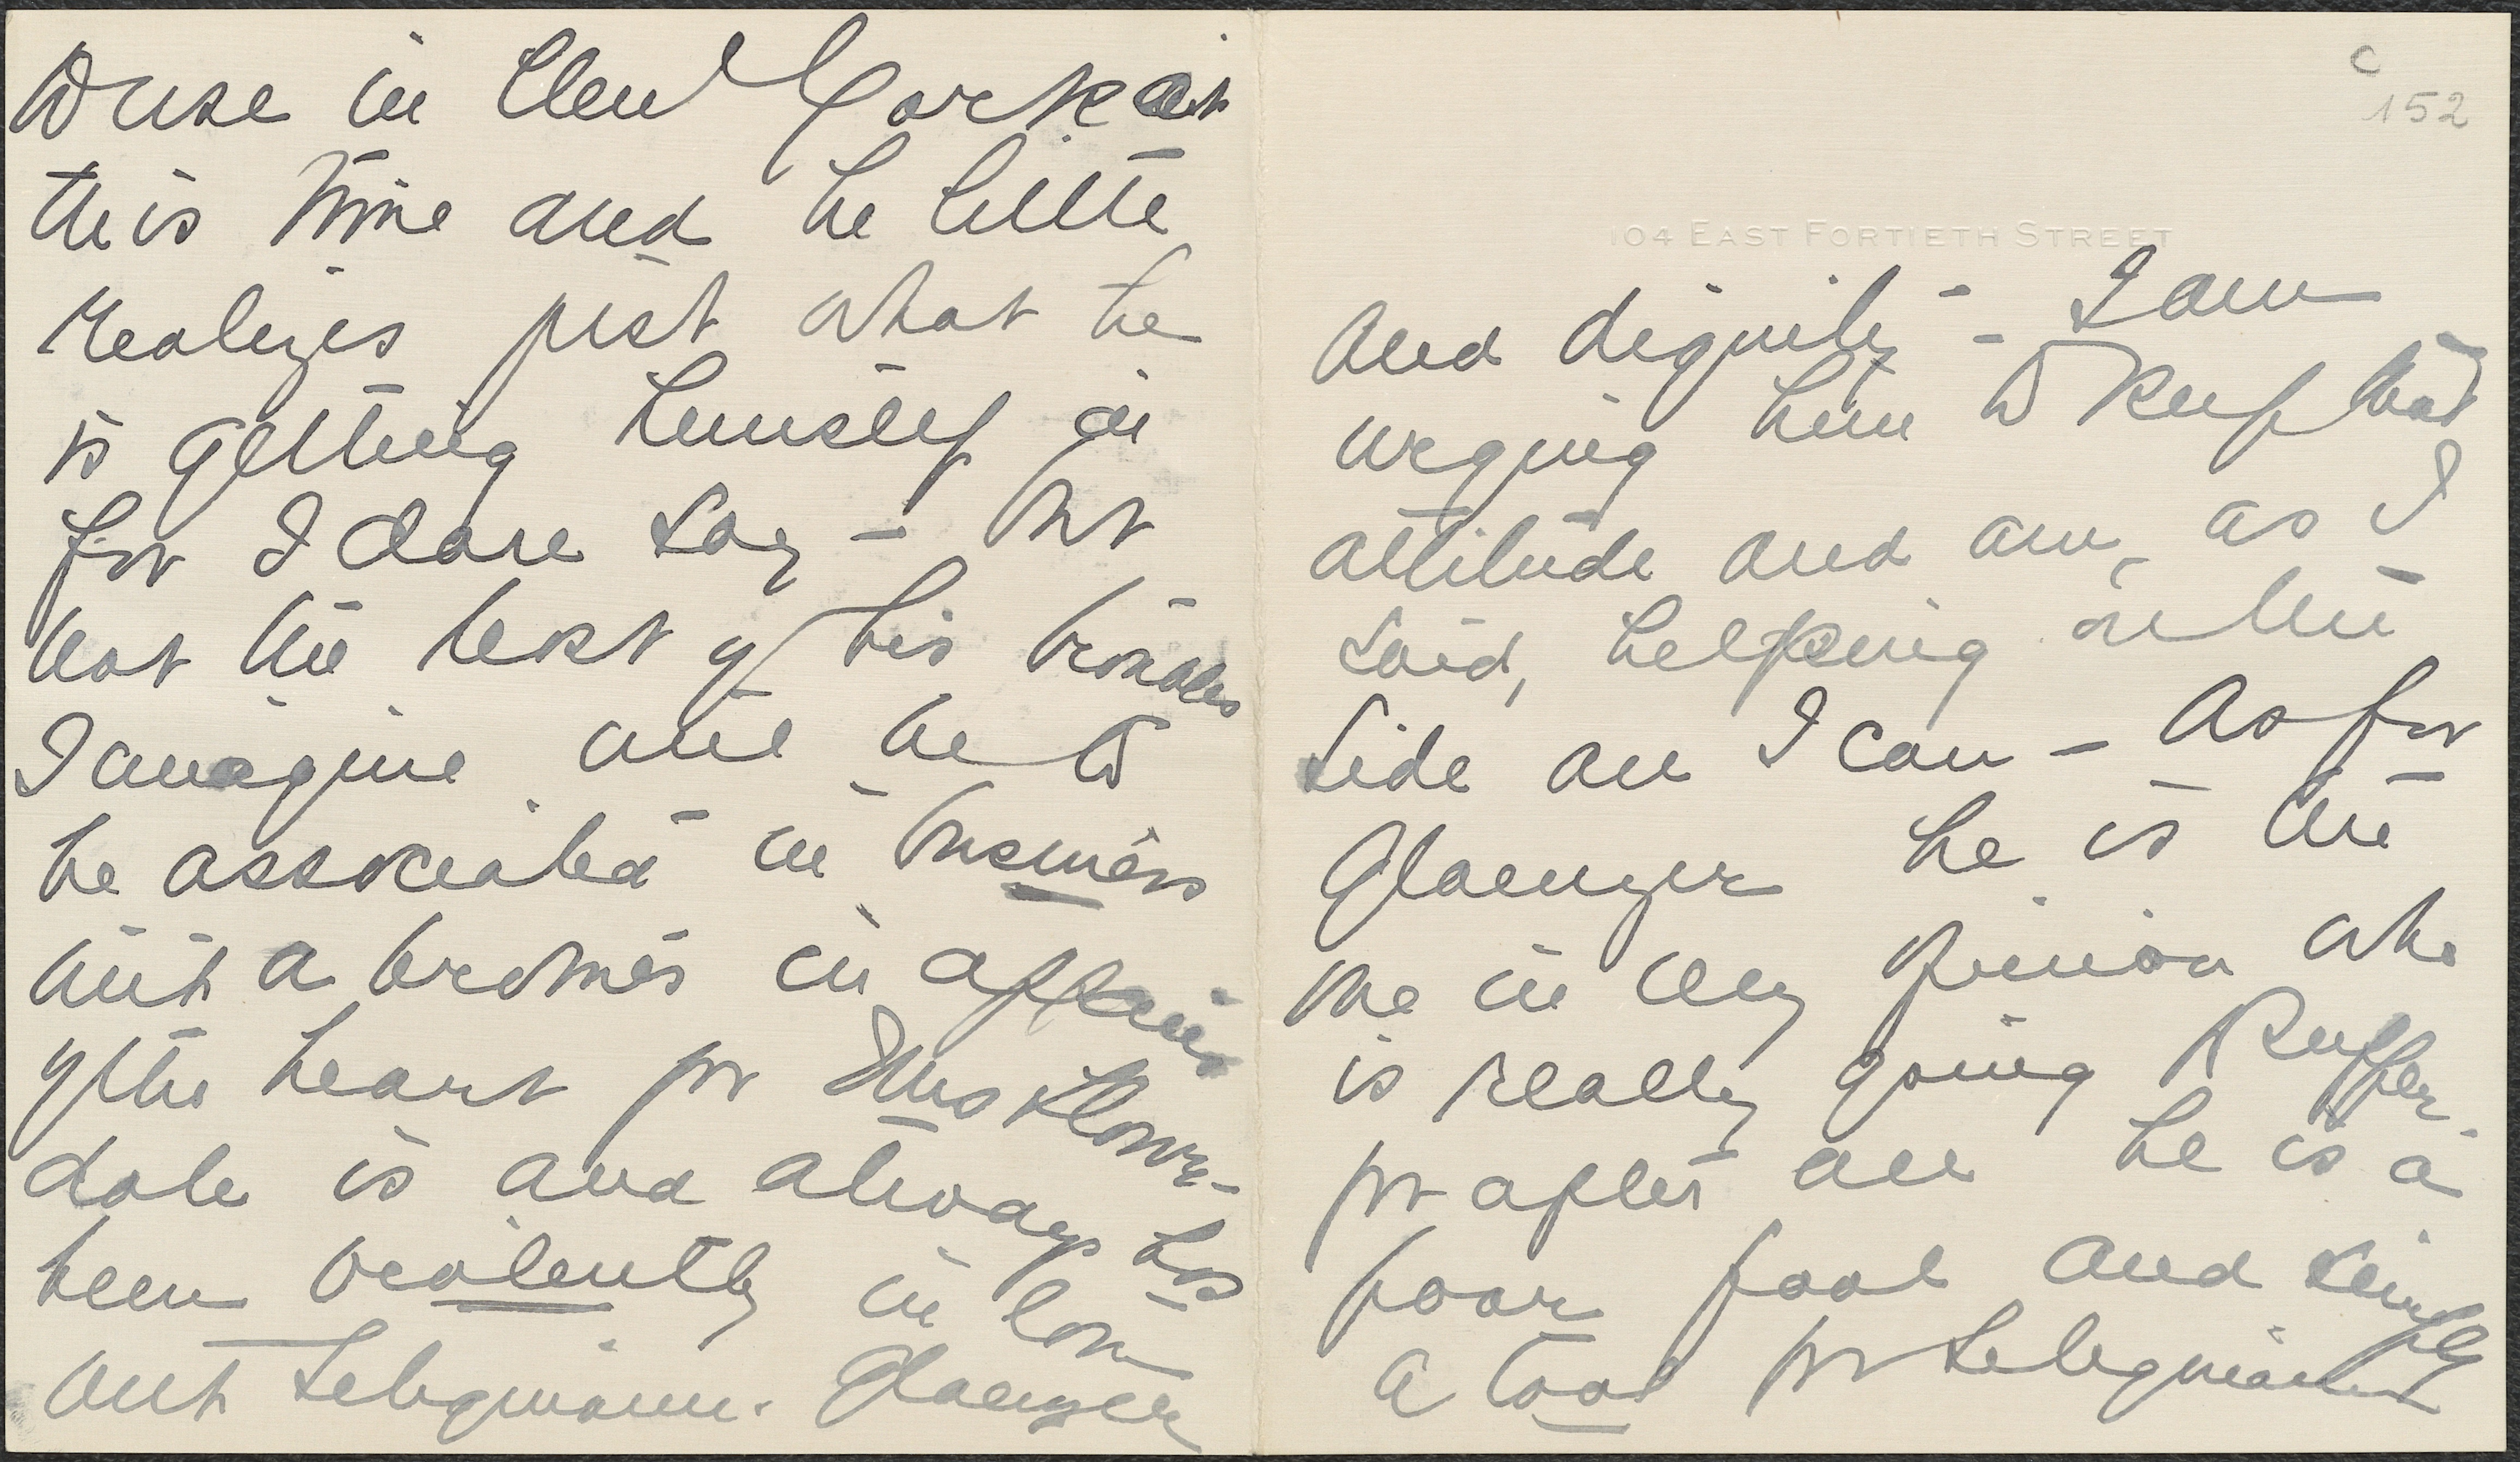and dignity – I am urging him to keep that attitude and am, as I said, helping on the side all I can – as for Glaenzer he is the one in my opinion who is really going to suffer, for after all he is a poor fool and simply a tool for Seligmann
to use in New York at this time and he little realizes just what he is getting himself in for I dare say – but not the least of his troubles I imagine will be to be associated in business with a brother in affairs of the heart for Mrs. Flowerdale is and always has been [double underlined: violently] in love with Seligmann – Galenzer